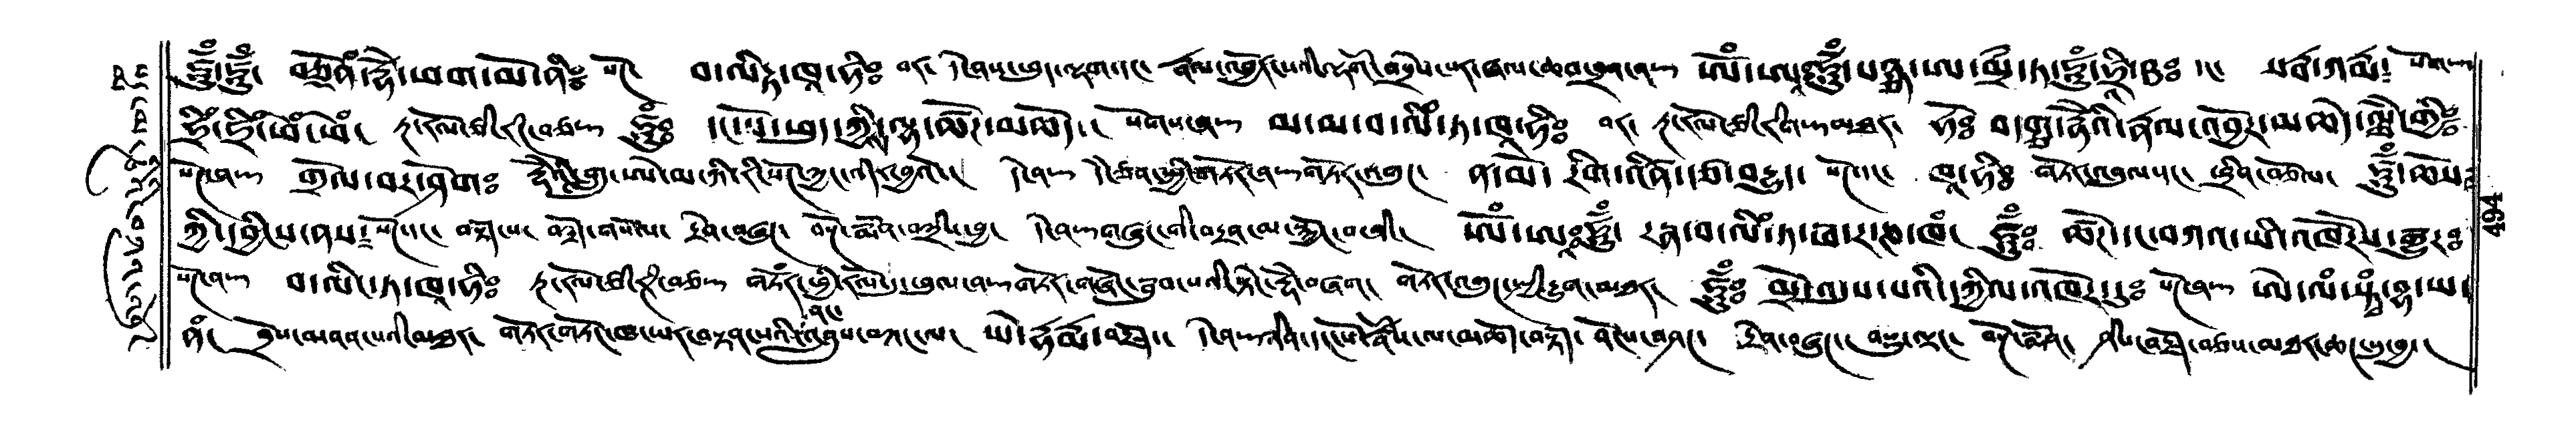ཧཱུྃ་ཧཱུྃ༔ བཅོམ་ལྡན་རྡོ་རྗེ་ཕག་མོ་ནི༔ སོགས། བ་ལིང་ཏ་ཁཱ་ཧི༔ བར། དེ་ནས་ཕུད་ལྷག་དང་། རྣལ་འབྱོར་པའི་ལྷག་མ་བསྲེས་པར་ཞལ་ཆབ་བྲན་ནས། ཨོཾ་ཨཱཿཧཱུྃ་པཉྩ་ཨ་མྲྀ་ཏ་ཧཱུྃ་ཧྲཱིཿཋཱ༔ དང་། སརྦ་ཀརྨ༴ སོགས། 
ཧྲཱིཾ་ཧྲཱིཾ་ཕེཾ་ཕེཾ། རྔ་རོལ་ཅི་རིགས་བཅས། ཧཱུྃ༔ དང་པོ་ཕུད་ཀྱིས་ལྷ་ཚོགས་མཆོད༔ སོགས་ནས། མ་མ་བ་ལིང་ཏ་ཁཱ་ཧི༔ བར། རྔ་རོལ་ཅི་རིགས་མཐར། ཧོཿ བདག་ཅག་རྡོ་རྗེའི་རྣལ་འབྱོར་མཆེད་ལྕམ་གྱི༔ 
སོགས་ནས། གྲོལ་བར་ཤོག༔ རྡོ་རྗེའི་གླུ་ཨེ་མ་ཀི་རི༴ སོགས་ཀྱང་འདིར་བྱའོ། དེ་ནས་དམ་ཅན་སྤྱི་གཏོར་ནས་གཏོར་འབུལ། ན་མོ། རིག་འཛིན་རྩ་བརྒྱུད་སོགས་དང་། ཁཱ་ཧིཿ གཏོར་འབུལ་དང་། ཕྲིན་ལས་བཅོལ། ཧཱུྃ༔ཆོས་
ཀྱི་དབྱིངས་ནས༴ སོགས་དང་། བཟོད་གསོལ། རྟེན་བཞུགས། བསྔོ་སྨོན་བཀྲ་ཤིས་བྱ། དེ་ནས་གཞུང་གི་བརྟན་མ་སྐྱོང་བ་ནི། ཨོཾ་ཨཱཿཧཱུྃ༔ རཏྣ་བ་ལིང་ཏ་སྥ་ར་ཎ་ཁཾ༔ ཧཱུྃ༔ ཚོགས་དང་བཀའ་ཡི་འཁོར་ལོས་སྒྱུར༔ 
སོགས་ནས། བ་ལིང་ཏ་ཁཱཧིཿ རྔ་རོལ་ཅི་རིགས་བཅས། གཏོར་མ་ཕྱི་རོལ་དུ་ཕུལ་ནས་གཏོར་གཞོང་སྦུབས་པའི་སྟེང་རྡོ་རྗེ་གཞག གཏོར་འགུགས་སྤྱི་རྒྱུག་མཐར། ཧཱུྃ༔ མཁའ་འགྲོ་འདུས་པའི་དཀྱིལ་འཁོར་དུ༔ སོགས་ནས། ཨེ་ལཾ་སྟྭཾ་བྷ་ཡ་
ནན། བྲོས་མནན་པའི་མཐར། གཏོར་གཞོང་ཁ་ཡར་བསྟན་པའི་ནང་འབྲུས་བཀང་ལ། ཡེ་དྷརྨ་བརྗོད། དེ་ནས་ཉིན་དང་པོ་རྣམས་ལ་མཆོད་བསྟོད་ནོངས་བཤགས། རྟེན་བཞུགས་བསྡུ་ལྡང་། བསྔོ་སྨོན། ཤིས་བརྗོད་བཅས་མཐར་ཆགས་སུ་བྱ།